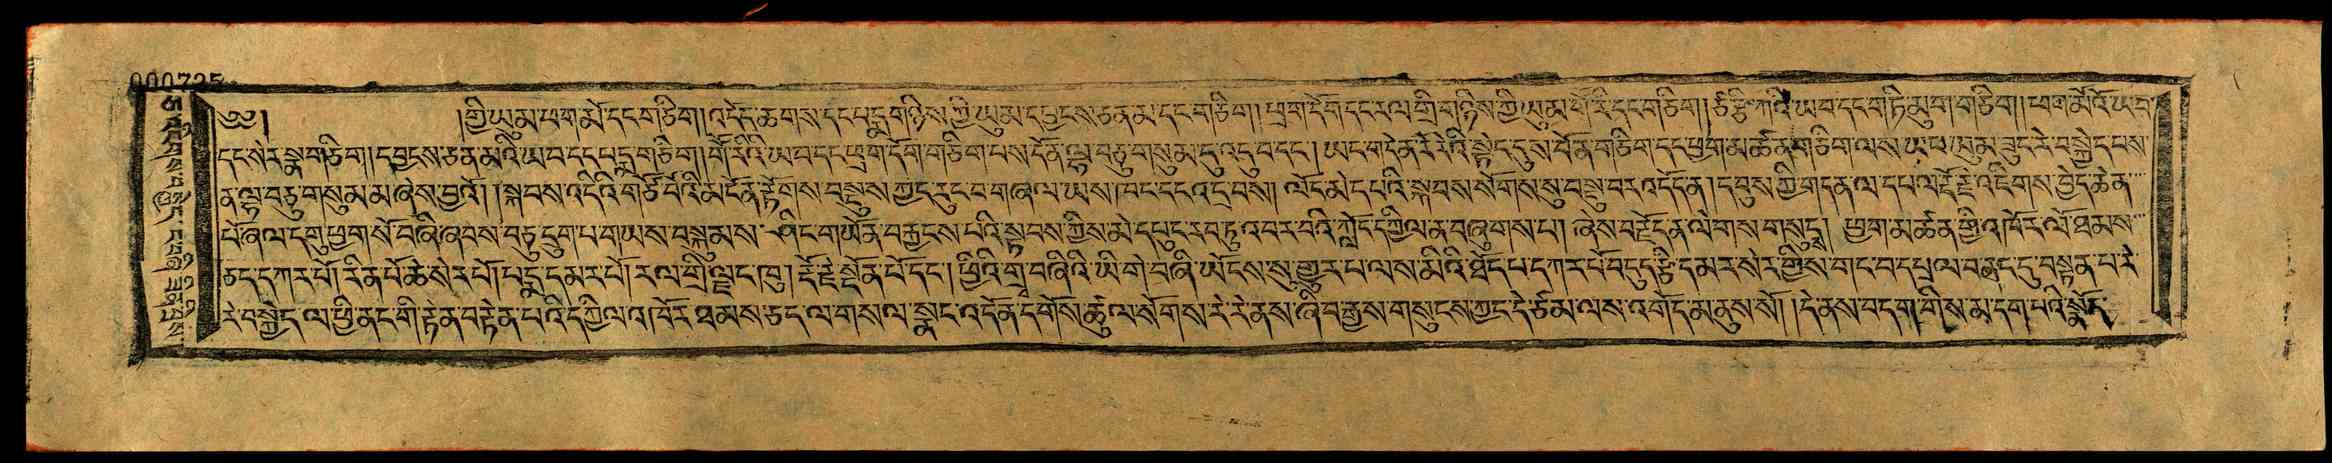༄༅། །གྱི་ཡུམ་ཕག་མོ་དང་གཅིག །འདོད་ཆགས་དང་པདམ་གཉིས་ཀྱི་ཡུམ་དབྱངས་ཅན་མ་དང་གཅིག །ཕྲག་དོག་དང་རལ་གྲི་གཉིས་ཀྱི་ཡུམ་གཽ་རི་དང་གཅིག །ཙ་རྩི་ཀའི་ཡབ་དང་གཏི་མུག་གཅིག །ཕག་མོའི་ཡབ་
དང་སེར་སྣ་གཅིག །དབྱངས་ཅན་མའི་ཡབ་དང་པདམ་གཅིག །གཽ་རིའི་ཡབ་དང་ཕྲག་དོག་གཅིག་པས་དོན་ལྷ་བཅུ་གསུམ་དུ་འདུ་བ་དང་། ཡང་གདན་རེ་རེའི་སྟེང་དུ་ས་བོན་གཅིག་དང་ཕྱག་མཚན་གཅིག་ལས་ཡབ་ཡུམ་ཟུང་རེ་བསྐྱེད་པས་
ན་ལྷ་བཅུ་གསུམ་མ་ཞེས་བྱའོ། །སྐབས་འདིའི་གཙོ་བོའི་མངོན་རྟོགས་བསྡུས་ཀྱང་རུང་བ་གཞལ་ཡས་ཁང་དང་འདྲ་བས། ལོང་མེད་པའི་སྐབས་སོགས་སུ་བསྡུ་བར་འདོད་ན། དབུས་ཀྱི་གདན་ལ་དཔལ་རྡོ་རྗེ་འཇིགས་བྱེད་ཆེན་
པོ་ཞལ་དགུ་ཕྱག་སོ་བཞི་ཞབས་བཅུ་དྲུག་པ་གཡས་བསྐུམས་ཤིང་གཡོན་བརྐྱངས་པའི་སྟབས་ཀྱིས་མེ་དཔུང་རབ་ཏུ་འབར་བའི་ཀློང་དཀྱིལ་ན་བཞུགས་པ། ཞེས་བརྗོད་ན་ལེགས་གསུངས། ཕྱག་མཚན་གྱི་འཁོར་ལོ་ཐམས་
ཅད་དཀར་པོ། རིན་པོ་ཆེ་སེར་པོ། པདམ་དམར་པོ། རལ་གྲི་ལྗང་ཁུ། རྡོ་རྗེ་སྔོན་པོ་དང་། ཕྱིའི་གྲྭ་བཞིའི་ཡི་གེ་བཞི་ཡོངས་སུ་གྱུར་པ་ལས་མིའི་ཐོད་པ་དཀར་པོ་བདུད་རྩི་དམར་སེར་གྱིས་གང་བ་དཔྲལ་བ་ནང་དུ་བསྟན་པ་རེ་
རེ་བསྐྱེད་ལ་ཕྱི་ནང་གི་རྟེན་བརྟེན་པའི་དཀྱིལ་འཁོར་ཐམས་ཅད་ལ་གསལ་སྣང་འདོན་དགོས་ཚུལ་སོགས་རེ་རེ་ནས་ཞིབ་རྒྱས་གསུངས་ཀྱང་དེ་ཙམ་ལས་འགོད་མ་ནུས་སོ། །དེ་ནས་བདག་གིས་མ་དག་པའི་སྣོད་